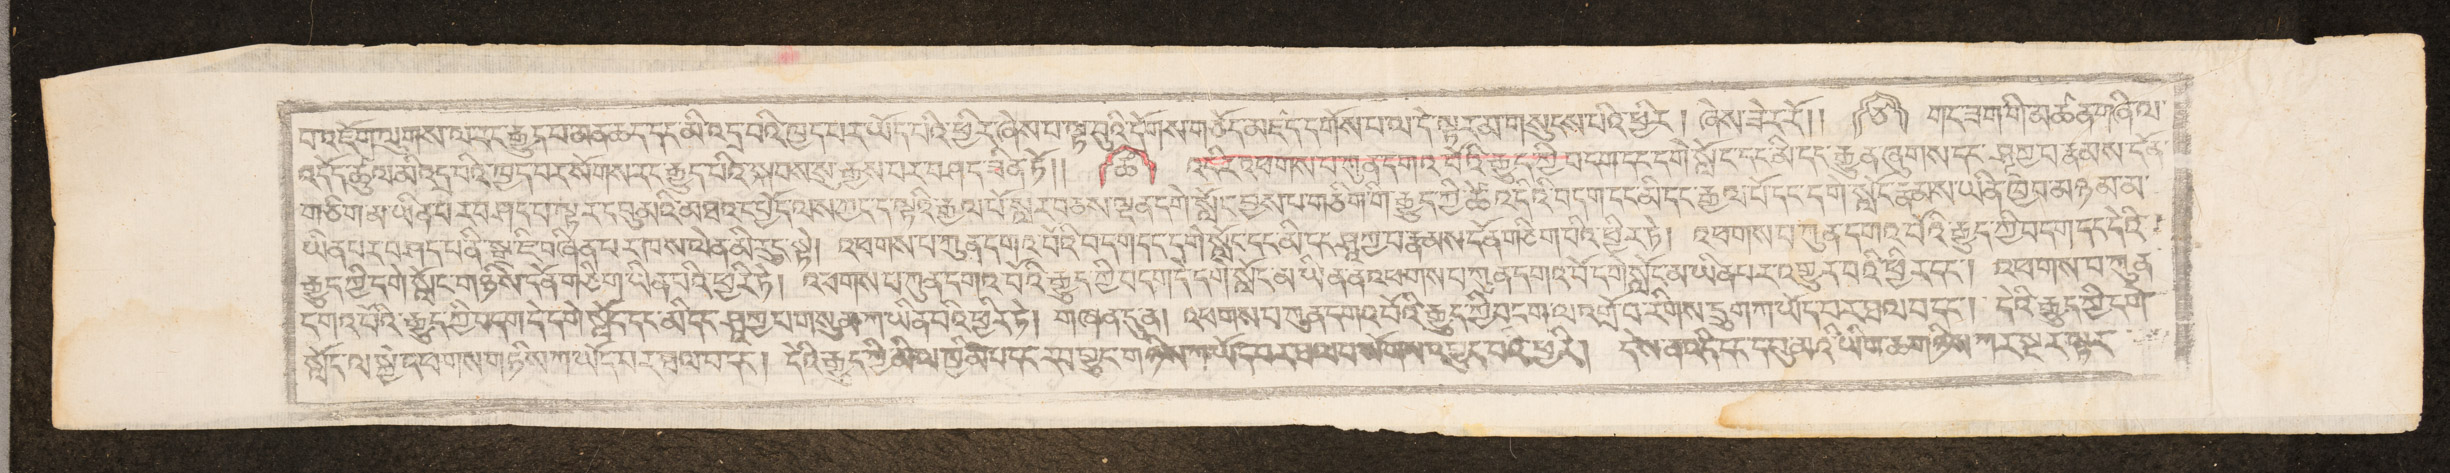པ་འཇོག་ལུགས་ལ་རང་རྒྱུད་པ་མན་ཆད་དང་མི་འདྲ་བའི་ཁྱད་པར་ཡོད་པའི་ཕྱིར་ཞེས་པ་ལྟ་བུའི་དོགས་གཅོད་མཛད་དགོས་པ་ལ་དེ་ལྟར་མ་གསུངས་པའི་ཕྱིར། ཞེས་ཟེར་རོ།། ༼༽ཙ༼༽ གང་ཟག་གི་མཚན་གཞི་ལ་
འདོད་ཚུལ་མི་འདྲ་བའི་ཁྱད་པར་སོགས་རང་རྒྱུད་པའི་སྐབས་སུ་རྒྱས་པར་བཤད་ཟིན་ཏོ།། ༼༽ཚ༼༽ འདིར་འཕགས་པ་ཀུན་དགའ་བོའི་རྒྱུད་ཀྱི་བདག་དང་དགེ་སློང་དང་མི་དང་རྒྱུན་ཞུགས་དང་ཤྰྐྱ་བ་རྣམས་དོན་
གཅིག་མ་ཡིན་པ་རབ་ཤད་པ་ལྟར་དབུ་མའི་མཐའ་དཔྱོད་ལས་ཀྱང་ད་ལྟའི་རྒྱལ་པོ་སླར་བཅས་ལྡན་དགེ་སློང་བྱས་པ་གཅིག་གི་རྒྱུད་ཀྱི་ཚེ་འདིའི་བདག་དང་མི་དང་རྒྱལ་པོ་དང་དགེ་སློང་རྣམས་ཡིན་ཁྱབ་མཉམ་མ་
ཡིན་པར་བཤད་པ་ནི་སྒྲ་ཇི་བཞིན་པར་ཁས་ལེན་མི་རུང་སྟེ། འཕགས་པ་ཀུན་དགའ་བོའི་བདག་དང་དགེ་སློང་དང་མི་དང་ཤཱཀྱ་པ་རྣམས་དོན་གཅིག་པའི་ཕྱིར་ཏེ། འཕགས་པ་ཀུན་དགའ་བོའི་རྒྱུད་ཀྱི་བདག་དང་དེའི་
རྒྱུད་ཀྱི་དགེ་སློང་གཉིས་དོན་གཅིག་ཡིན་པའི་ཕྱིར་ཏེ། འཕགས་པ་ཀུན་དགའ་བོའི་རྒྱུད་ཀྱི་བདག་དེ་དགེ་སློང་མ་ཡིན་ན་འཕགས་པ་ཀུན་དགའ་བོ་དགེ་སློང་མ་ཡིན་པར་འགྱུར་བའི་ཕྱིར་དང་། འཕགས་པ་ཀུན་
དགའ་བོའི་རྒྱུད་ཀྱི་བདག་དེ་དགེ་སློང་དང་མི་དང་ཤཱཀྱ་པ་གསུམ་ཀ་ཡིན་པའི་ཕྱིར་ཏེ། གཞན་དུ་ན། འཕགས་པ་ཀུན་དགའ་བོའི་རྒྱུད་ཀྱི་བདག་ལ་འགྲོ་བ་རིགས་དྲུག་ཀ་ཡོད་པར་ཐལ་བ་དང་། དེའི་རྒྱུད་ཀྱི་དགེ་
སྤོང་ལ་སྐྱེ་འཕགས་གཉིས་ཀ་ཡོད་པར་ཐལ་བ་དང་། དེའི་རྒྱུད་ཀྱི་མི་ལ་ཁྱིམ་པ་དང་རབ་བྱུང་གཉིས་ཀ་ཡོད་པར་ཐལ་བ་སོགས་འབྱུང་བའི་ཕྱིར། དེས་ན་འདི་དང་དབུ་མའི་ཡིག་ཆ་གཉིས་ཀར་སྔར་ལྟར་